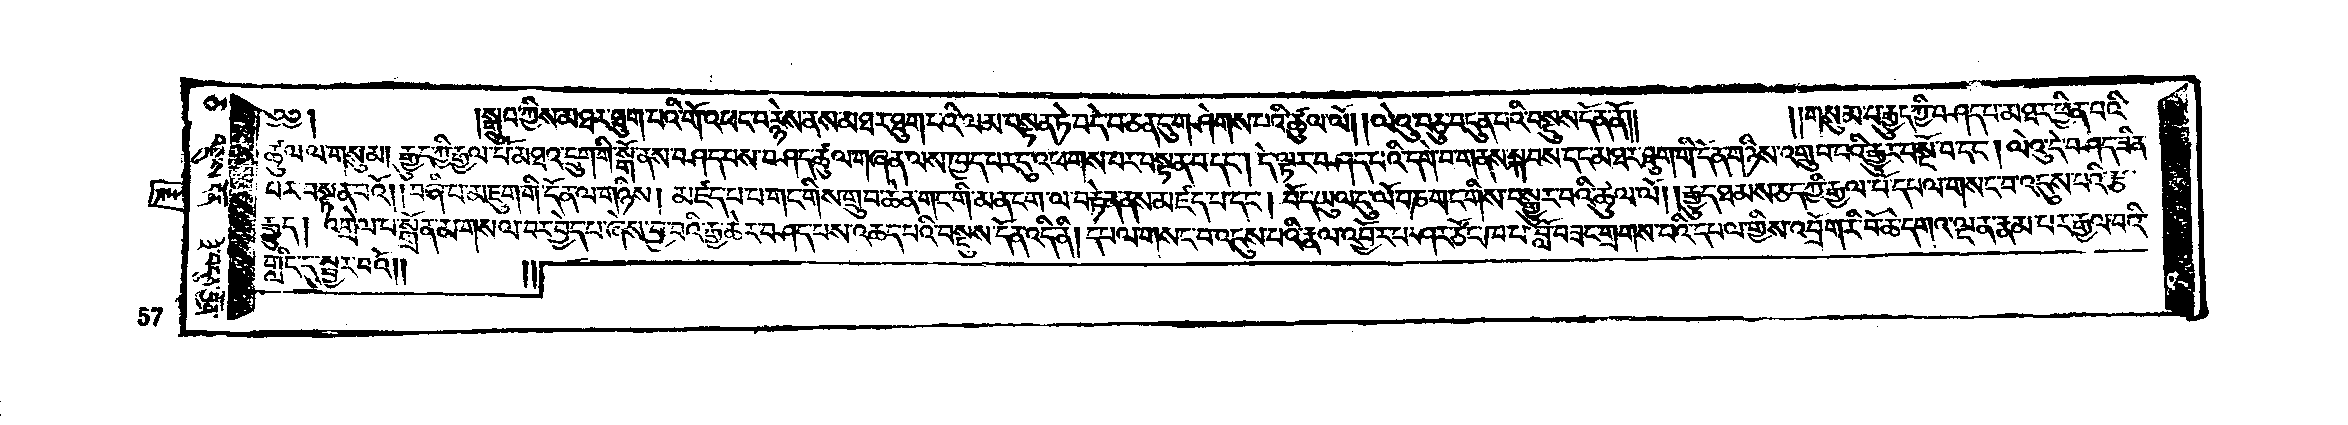༄༅། །སྒྲུབ་ཀྱིས་མཐར་ཐུག་པའི་གོ་འཕང་བརྙེས་ནས་མཐར་ཐུག་པའི་ལམ་བསྟན་ཏེ་བདེ་བ་ཅན་དུ་གཤེགས་པའི་ཚུལ་ལོ། །ལེའུ་བཅུ་བདུན་པའི་བསྡུས་དོན་ནོ།། །།གསུམ་པ་རྒྱུད་ཀྱི་བཤད་པ་མཐར་ཕྱིན་པའི་
ཚུལ་ལ་གསུམ། རྒྱུད་ཀྱི་རྒྱལ་པོ་མཐའ་དྲུག་གི་སྒོ་ནས་བཤད་པས་བཤད་ཚུལ་གཞན་ལས་ཁྱད་པར་དུ་འཕགས་པར་བསྟན་པ་དང་། དེ་ལྟར་བཤད་པའི་དགེ་བ་གནས་སྐབས་དང་མཐར་ཐུག་གི་དོན་གཉིས་འགྲུབ་པའི་རྒྱུར་བསྔོ་བ་དང་། ལེའུ་དེ་བཤད་ཟིན་
པར་བསྟན་པའོ། །བཞི་པ་མཇུག་གི་དོན་ལ་གཉིས། མཛད་པ་པ་གང་གིས་གྲུབ་ཆེན་གང་གི་མན་ངག་ལ་བརྟེན་ནས་མཛད་པ་དང་། བོད་ཡུལ་དུ་ལོ་པཎ་གང་གིས་བསྒྱུར་བའི་ཚུལ་ལོ། །རྒྱུད་ཐམས་ཅད་ཀྱི་རྒྱལ་པོ་དཔལ་གསང་བ་འདུས་པའི་རྩ་
རྒྱུད། འགྲེལ་པ་སྒྲོན་མ་གསལ་བར་བྱེད་པ་ཞེས་བྱ་བའི་རྒྱ་ཆེར་བཤད་པས་འཆད་པའི་བསྡུས་དོན་འདི་ནི། དཔལ་གསང་བ་འདུས་པའི་རྣལ་འབྱོར་པ་ཤར་ཙོང་ཁ་པ་བློ་བཟང་གྲགས་པའི་དཔལ་གྱིས་འབྲོག་རི་བོ་ཆེ་དགའ་ལྡན་རྣམ་པར་རྒྱལ་བའི་
གླིང་དུ་སྦྱར་བའོ།། །།